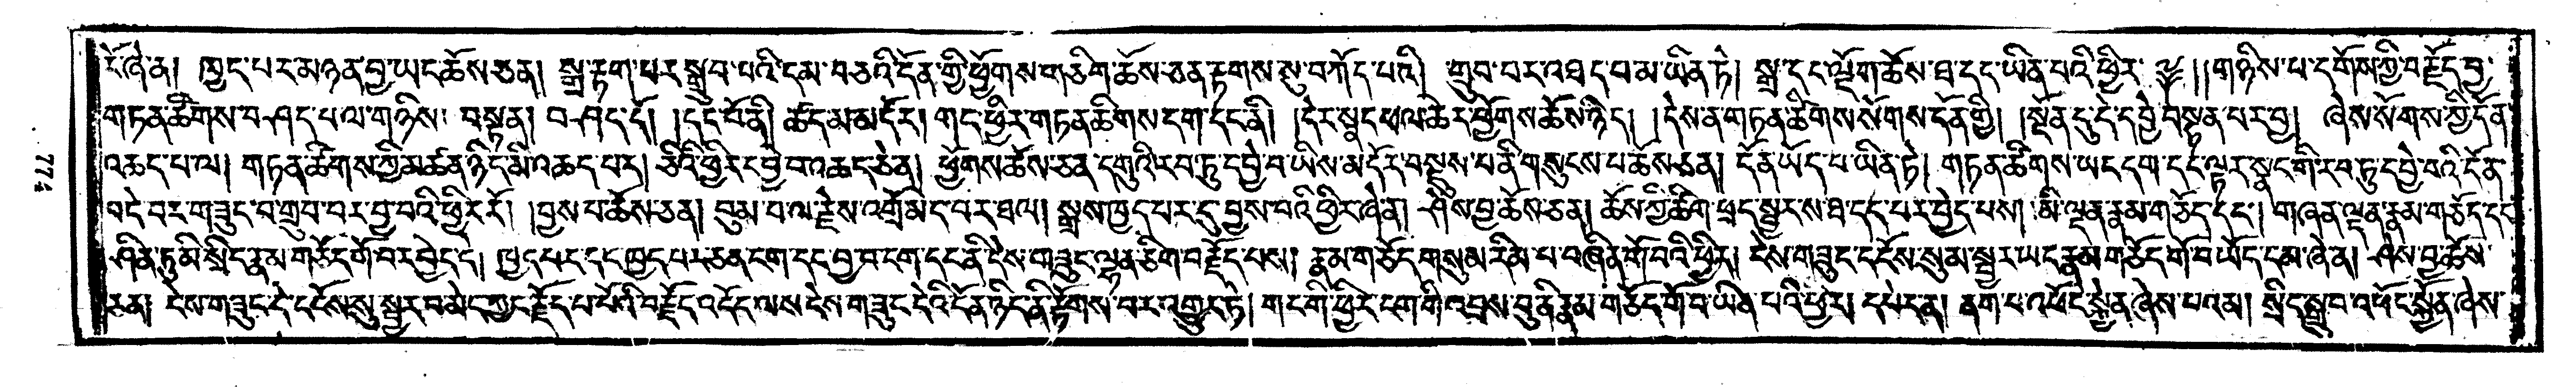རོ་ཞེ་ན། ཁྱད་པར་མཉན་བྱ་ཡང་ཆོས་ཅན། སྒྲ་རྟག་པར་སྒྲུབ་པའི་དམ་བཅའི་དོན་གྱི་ཕྱོགས་གཅིག་ཆོས་ཅན་རྟགས་སུ་བཀོད་པའི། གྲུབ་པར་འཐད་པ་མ་ཡིན་ཏེ། སྒྲ་དང་ལྡོག་ཆོས་ཐ་དད་ཡིན་པའི་ཕྱིར། ༈ །།གཉིས་པ་དགོས་ཀྱི་བརྗོད་བྱ་
གཏན་ཚིགས་བཤད་པ་ལ་གཉིས། བསྟན། བཤད་དོ། །དང་པོ་ནི། ཚད་མ་མདོར། གང་ཕྱིར་གཏན་ཆིགས་དག་དང་ནི། །དེར་སྣང་ཕལ་ཆེར་ཕྱོགས་ཆོས་ཉིད། །དེས་ན་གཏན་ཚིགས་སོགས་དོན་གྱི། །སྔོན་དུ་དེ་དབྱེ་བསྟན་པར་བྱ། ཞེས་སོགས་ཀྱི་དོན་
འཆད་པ་ལ། གཏན་ཚིགས་ཀྱི་མཚན་ཉིད་མི་འཆད་པར། ཅིའི་ཕྱིར་དབྱེ་བ་འཆད་ཅེ་ན། ཕྱོགས་ཆོས་ཅན་དགུའི་རབ་ཏུ་དབྱེ་བ་ཡིས་མདོར་བསྡུས་པ་ནི་གསུངས་པ་ཆོས་ཅན། དོན་ཡོད་པ་ཡིན་ཏེ། གཏན་ཚིགས་ཡང་དག་དང་ལྟར་སྣང་གི་རབ་ཏུ་དབྱེ་བའི་དོན་
བདེ་བར་གཟུང་བ་གྲུབ་པར་བྱ་བའི་ཕྱིར་རོ། །བྱས་པ་ཆོས་ཅན། བུམ་པ་ལ་རྗེས་འགྲོ་མེད་པར་ཐལ། སྒྲས་ཁྱད་པར་དུ་བྱས་པའི་ཕྱིར་ཞེ་ན། ཤེས་བྱ་ཆོས་ཅན། ཆོས་ཀྱི་ཚིག་ཕྲད་སྦྱར་ས་ཐ་དད་པར་བྱེད་པས། མི་ལྡན་རྣམ་གཅོད་དང་། གཞན་ལྡན་རྣམ་གཅོད་དང་
ཤིན་ཏུ་མི་སྲིད་རྣམ་གཅོད་གོ་བར་བྱེད་དེ། ཁྱད་པར་དང་ཁྱད་པར་ཅན་ངག་དང་བྱ་བ་ངག་དང་ནི་དེས་གཟུང་ལྷན་ཅིག་བརྗོད་པས། རྣམ་གཅོད་གསུམ་རིམ་པ་བཞིན་གོ་བའི་ཕྱིར། དེས་གཟུང་དངོས་སུམ་སྦྱར་ཡང་རྣམ་གཅོད་གོ་བ་ཡོད་དམ་ཞེ་ན། ཤེས་བྱ་ཆོས་
ཅན། དེས་གཟུང་དེ་དངོས་སུ་སྦྱར་བ་མེད་ཀྱང་རྗོད་པ་པོའི་བརྗོད་འདོད་ལས་ངེས་གཟུང་དེའི་དོན་ཉིད་ནི་རྟོགས་པར་འགྱུར་ཏེ། གང་གི་ཕྱིར་ངག་གི་འབྲས་བུ་ནི་རྣམ་གཅོད་གོ་བ་ཡིན་པའི་ཕྱིར། དཔེར་ན། ནག་པ་འཕོང་སྐྱེན་ཞེས་པའམ། སྲིད་སྒྲུབ་འཕོང་སྐྱོན་ཞེས་